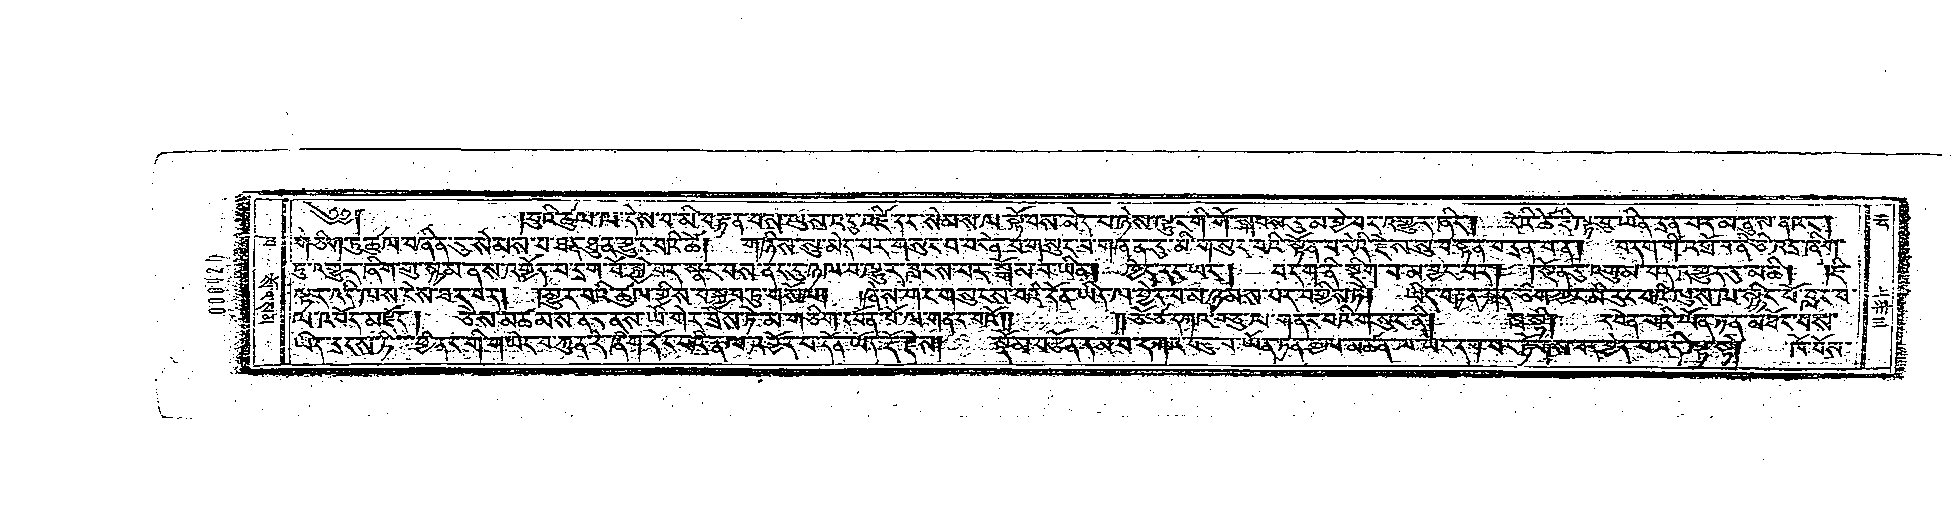༄༅། །བའི་ཚུལ་ལ་ངེས་བ་མི་བརྟན་བས་ལུས་འདུ་འཛི་དང་སེམས་ལ་སྟོབས་མེད་པ་ཉེས་ལྟུང་གི་གོ་སྐབས་དུ་མ་བྱེ་བར་འགྱུར་འདི། དེའི་ཚེ་ཇི་ལྟ་བུ་ཡིན་དྲན་པར་མ་ཊས?་ནའང་།
གཅིག་ཏུ་ཚུལ་བཞིན་དུ་སེམས་པ་ཐན་ཐུན་བྱུང་པའི་ཚེ། གཉིས་སུ་མེད་པར་གསུང་བ་བདེན་པ་གསུང་བ་གཞན་དུ་མི་གསུང་པའི་སྟོན་པ་དེའི་རྗེས་སུ་བསྟན་པ་དྲན་བ་ན། བདག་གི་འགྲོ་པ་ནི་ཅི་འདྲ་ཞིག་
ཏུ་འགྱུར་ཞིག་གུ་སྙམ་ནས་འགྱོད་པ་དྲག་པོ་སྐྱེ་བར་སྣང་བས་ནང་དུ་ཉལ་བ་ལྷུར་བླངས་པར་སྒོམ་བ་ཡིན། ཁྱེད་རང་ཡང་། བདག་ནི་སྡིག་པ་མ་བྱང་བར། །སྔོན་དུ་འགུམ་པར་འགྱུར་དུ་མཆི། །ཇི་
ལྟར་འདི་ལས་ངེས་ཐར་བར། །མྱུར་བའི་ཚུལ་གྱིས་བསྐྱབ་ཏུ་གསོལ། ཞེས་གང་གསུངས་པའི་དོན་ཡིད་ལ་བྱེད་པ་ཉམས་པར་བགྱིས་ཏེ། ཡང་བརྟན་སྐད་ཅིག་ཀྱང་མི་རུང་བའི་ལུས་ལ་སྙིང་པོ་བླང་བ་
ལ་འབོད་མཛོད། ཅེས་མཚམས་ནང་ནས་ཡི་གེར་བྲིས་ཏེ་མ་གཅིག་དབོན་པོ་ལ་གནང་བའོ།། །།ཅོ་ཙ་དཀའ་བཅུ་ལ་གནང་བའི་གསུང་ནི། སྭ་སྟི། དབེན་པའི་ཡོན་ཏན་མཐོང་བས་
ཡིད་དྲངས་ཏི་ཕྱི་ནང་གི་གཡེང་བ་ཀུན་དེ་ཞིག་དོང་བའི་རྣལ་འབྱོར་པ་དོན་ཡོད་རྡོ་རྗེས། སྡེམ་བརྩོན་དམ་པ་དཀའ་བཅུ་པ་ཡོན་ཏན་རྒྱལ་མཚན་ལ་ཡང་དག་པར་རྟོགས་པར་བྱང་པ་འདི་ལྟ་སྟེ། ཁོ་བོས་